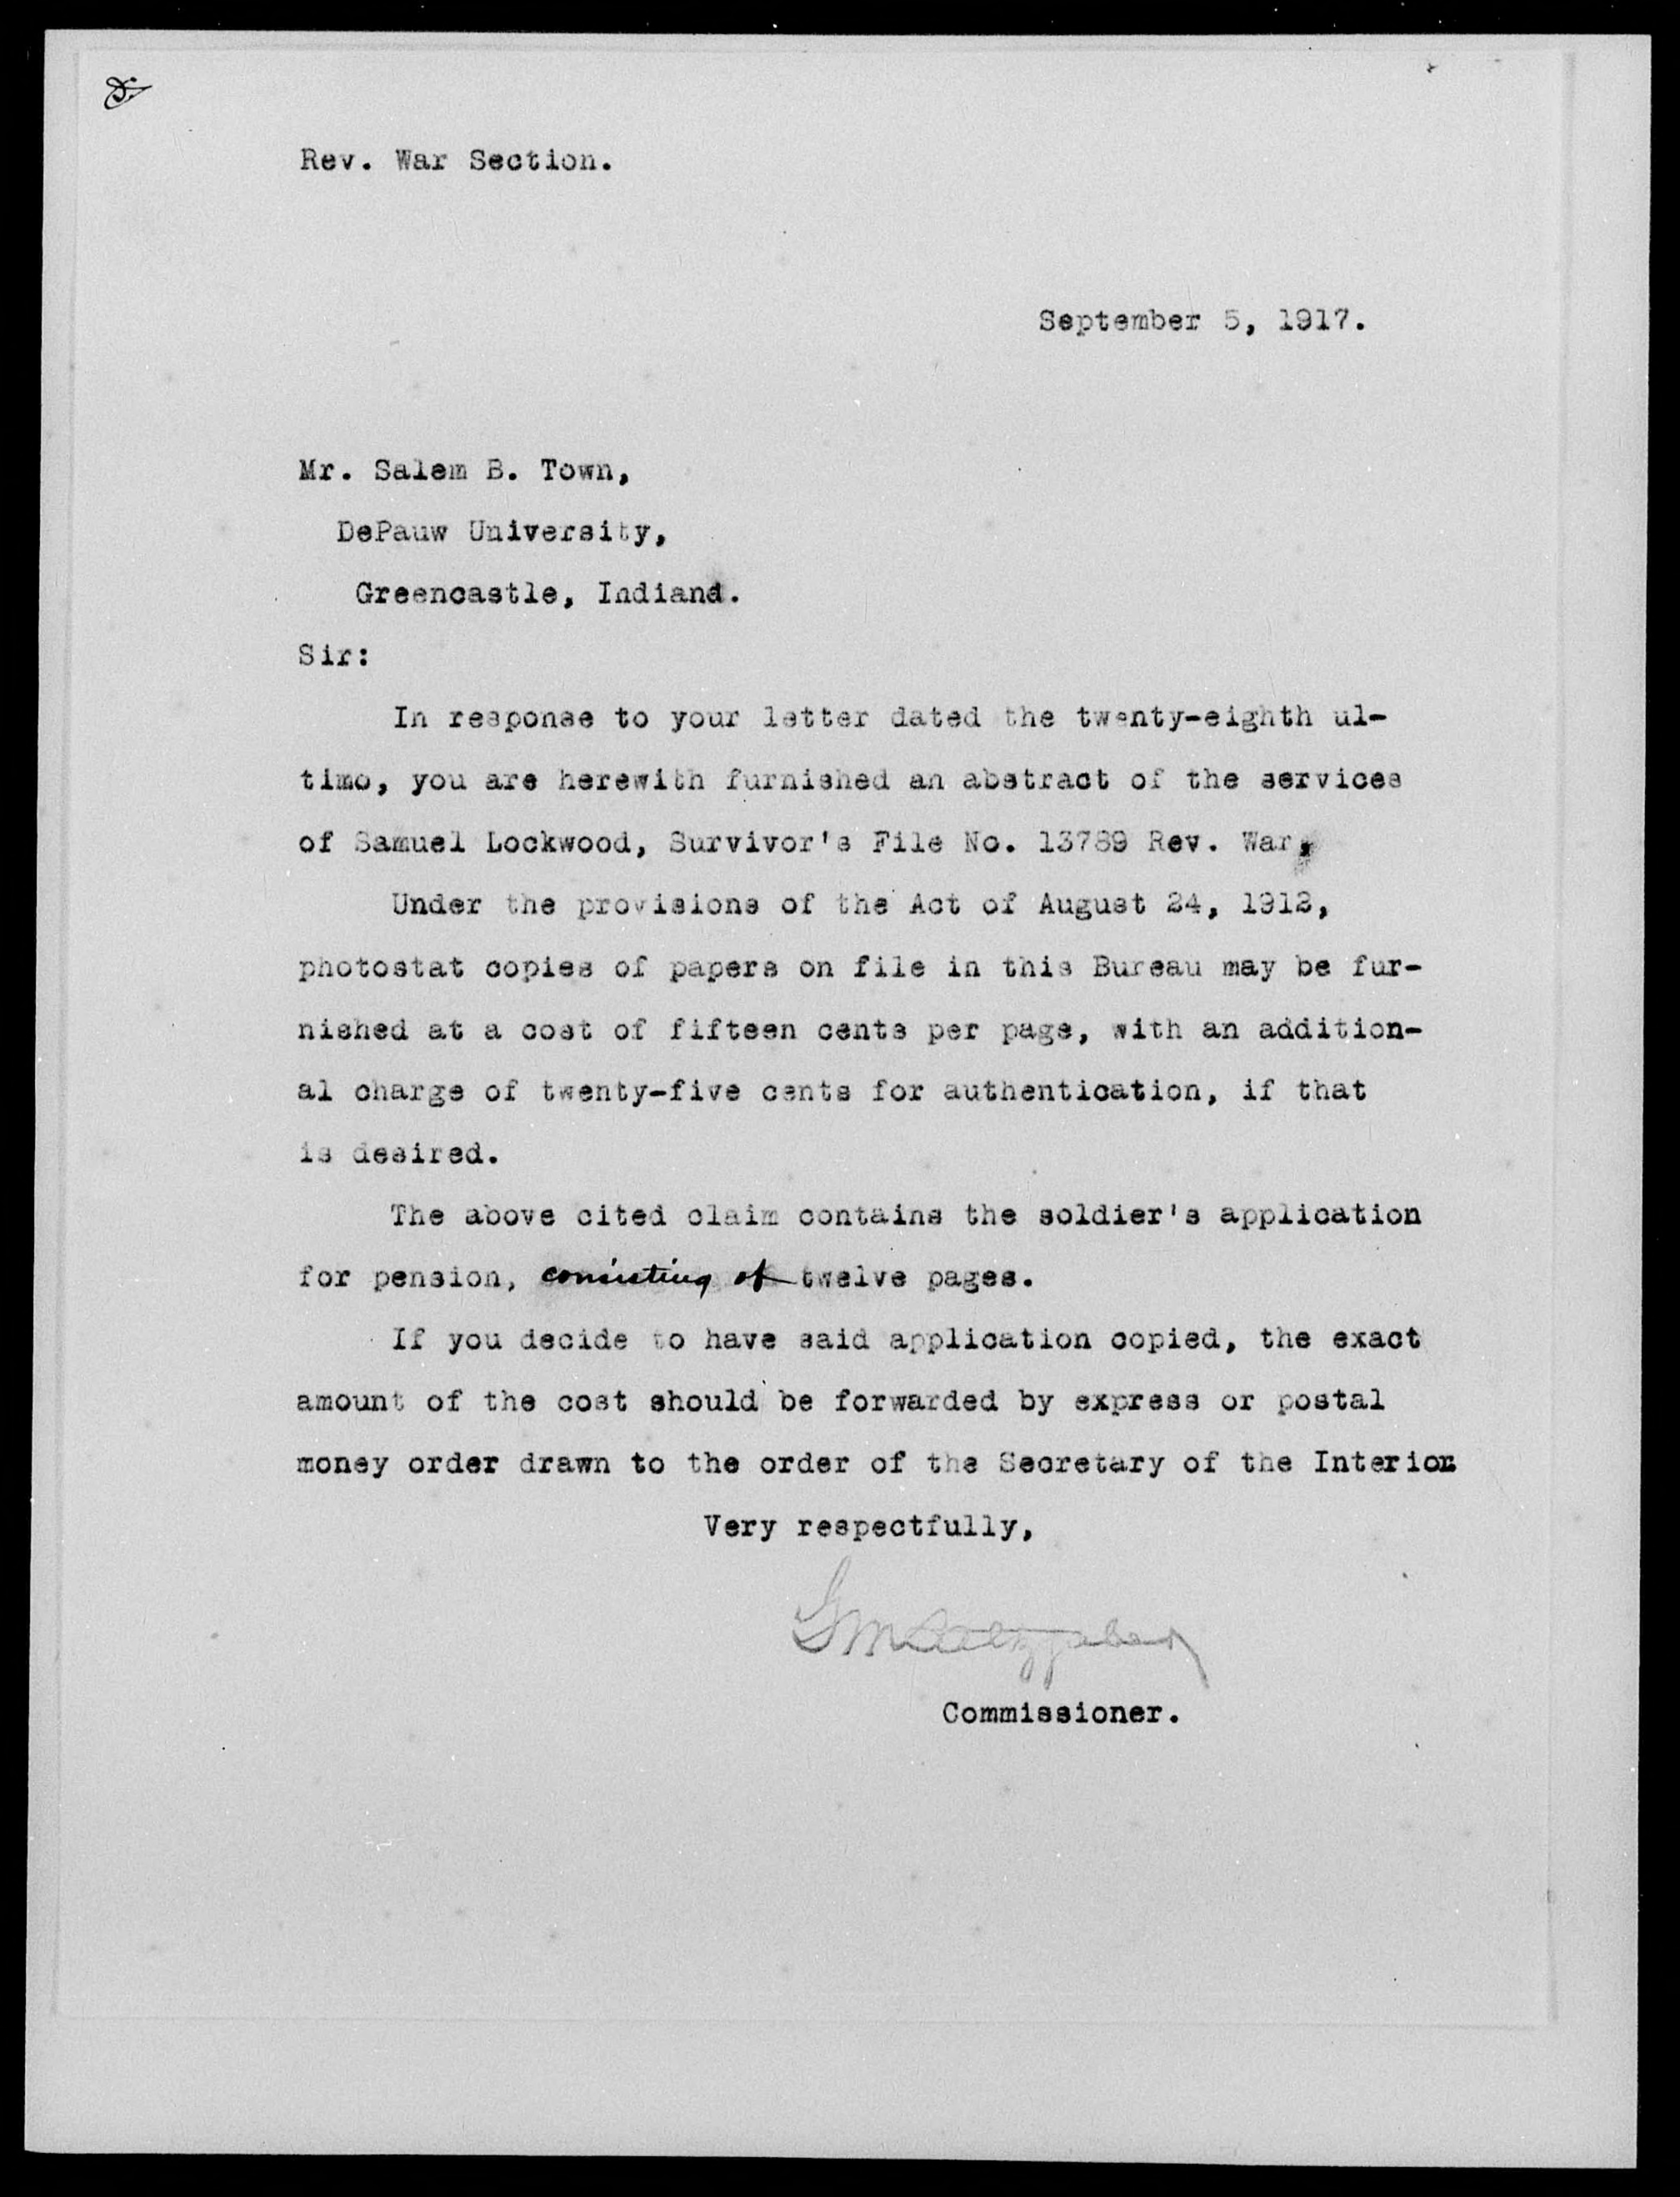Rev. War Section.
September 5, 1917.

Mr. Salem B. Town,
DePauw University,
Greencastle, Indiana.
Sir:

In response to your letter dated the twenty-eighth 
ultimo, you are herewith furnished an abstract of the services
of Samuel Lockwood, Survivor's File No. 13789 Rev. War
Under the provisions of the Act of August 24, 1912,
photostat copies of papers on file in this Bureau may be furnished
at a cost of fifteen cents per page, with an additional
charge of twenty-five cents for authentication, if that
is desired.
The above cited claim contains the soldier's application
for pension, consisting of twelve pages.
If you decide to have said application copied, the exact
amount of the cost should be forwarded by express or postal
money order drawn to the order of the Secretary of the Interior
Very respectfully,
G M Saltzgaber
Commissioner.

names: Samuel Lockwood; G M Saltzgaber; Salem B Town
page: 24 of 25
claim: survivor's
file: S. 13789, for Samuel Lockwood, Delaware